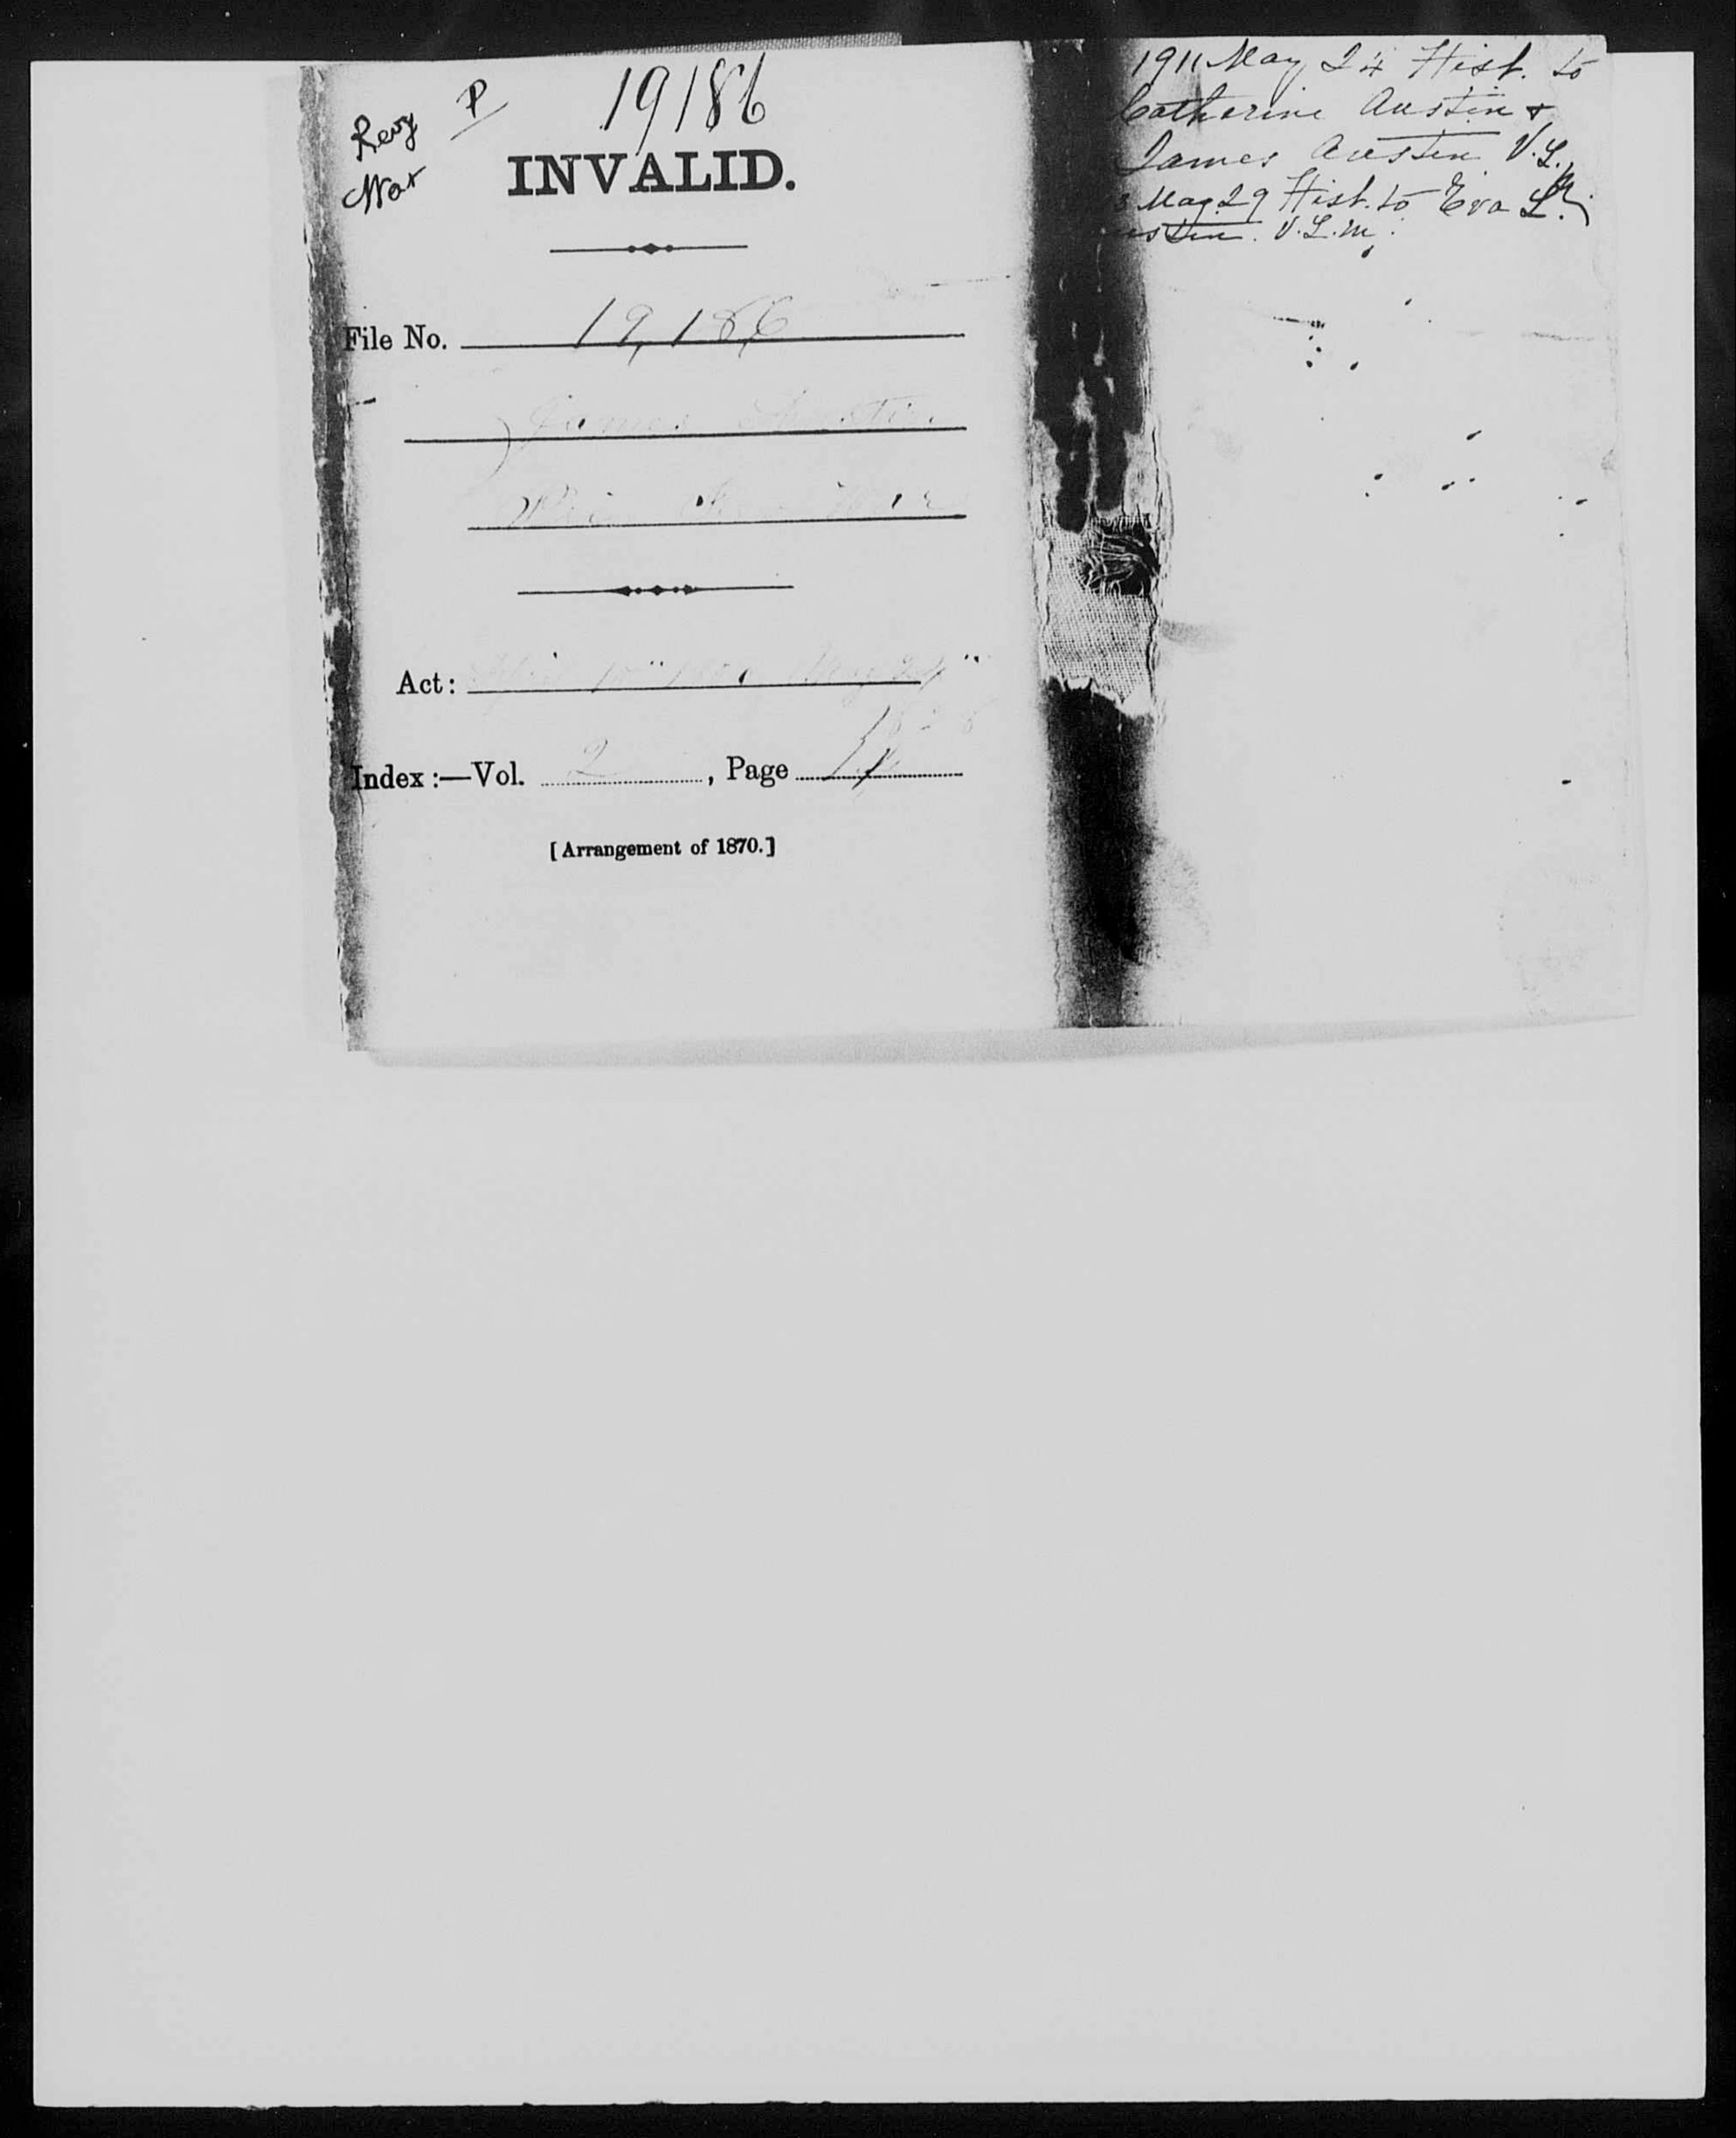Revy War P
1911 May 24 Hist. 
Catherine Austin &
James Austin V.L.
May 29 Hist. - Eva L.E
[illegible.] V.L.M.

19186
INVALID.
___________
File No. 19186
James Austin
[illegible faint writing]
____________
[illegible faint writing]
Act: [illegible faint writing]
Index: - Vol. 2, Page [illegible]

(Arrangement of 1870)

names: James Austin, James Austin, Catherine Austin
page: 32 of 100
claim: survivor's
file: S 19186, James Austin, Conn. New York R.I.